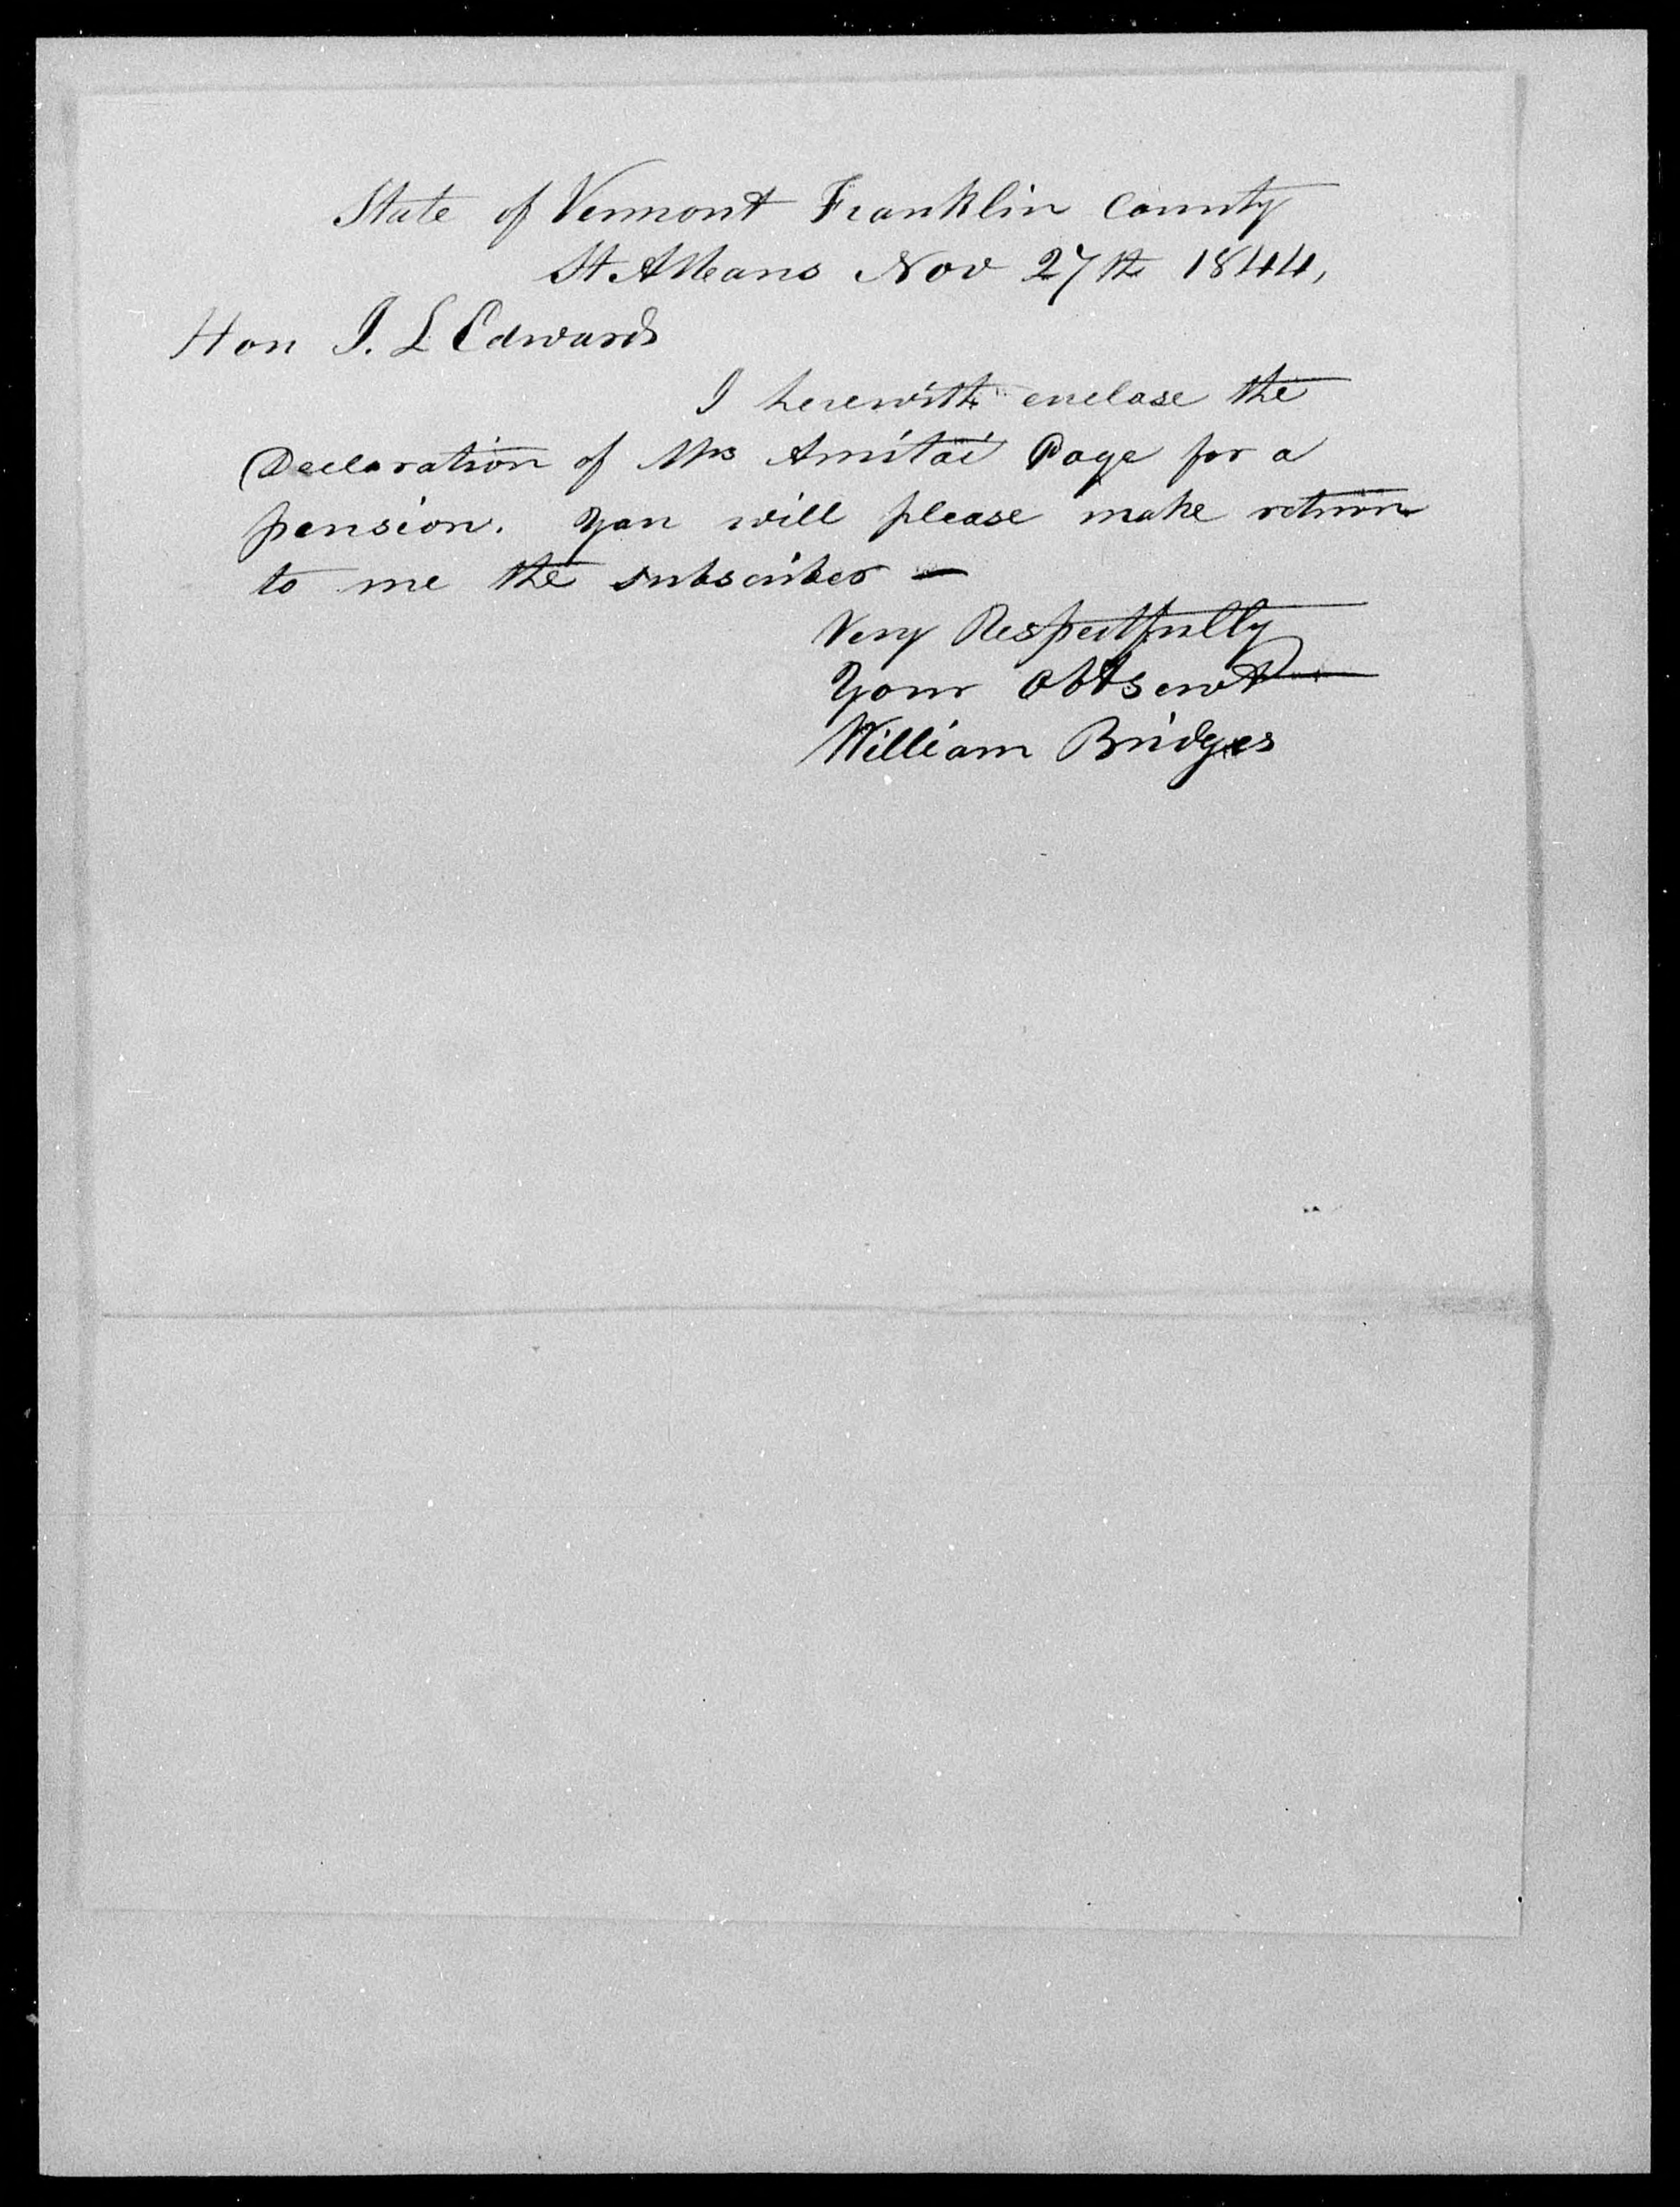State of Vermont Franklin County
St Albans Nov 27th 1844
Hon J. L. Edwards
I herewith enclose the
Declaration of Mrs Amitai Page for a
pension. You will please make return
to me the subscribed
Very Respectfully
Your Obt servt
William Bridges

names: William Bridges; J L Edwards; Amitai Page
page: 34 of 40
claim: widow's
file: W. 15168, for Foster Paige, Massachusetts